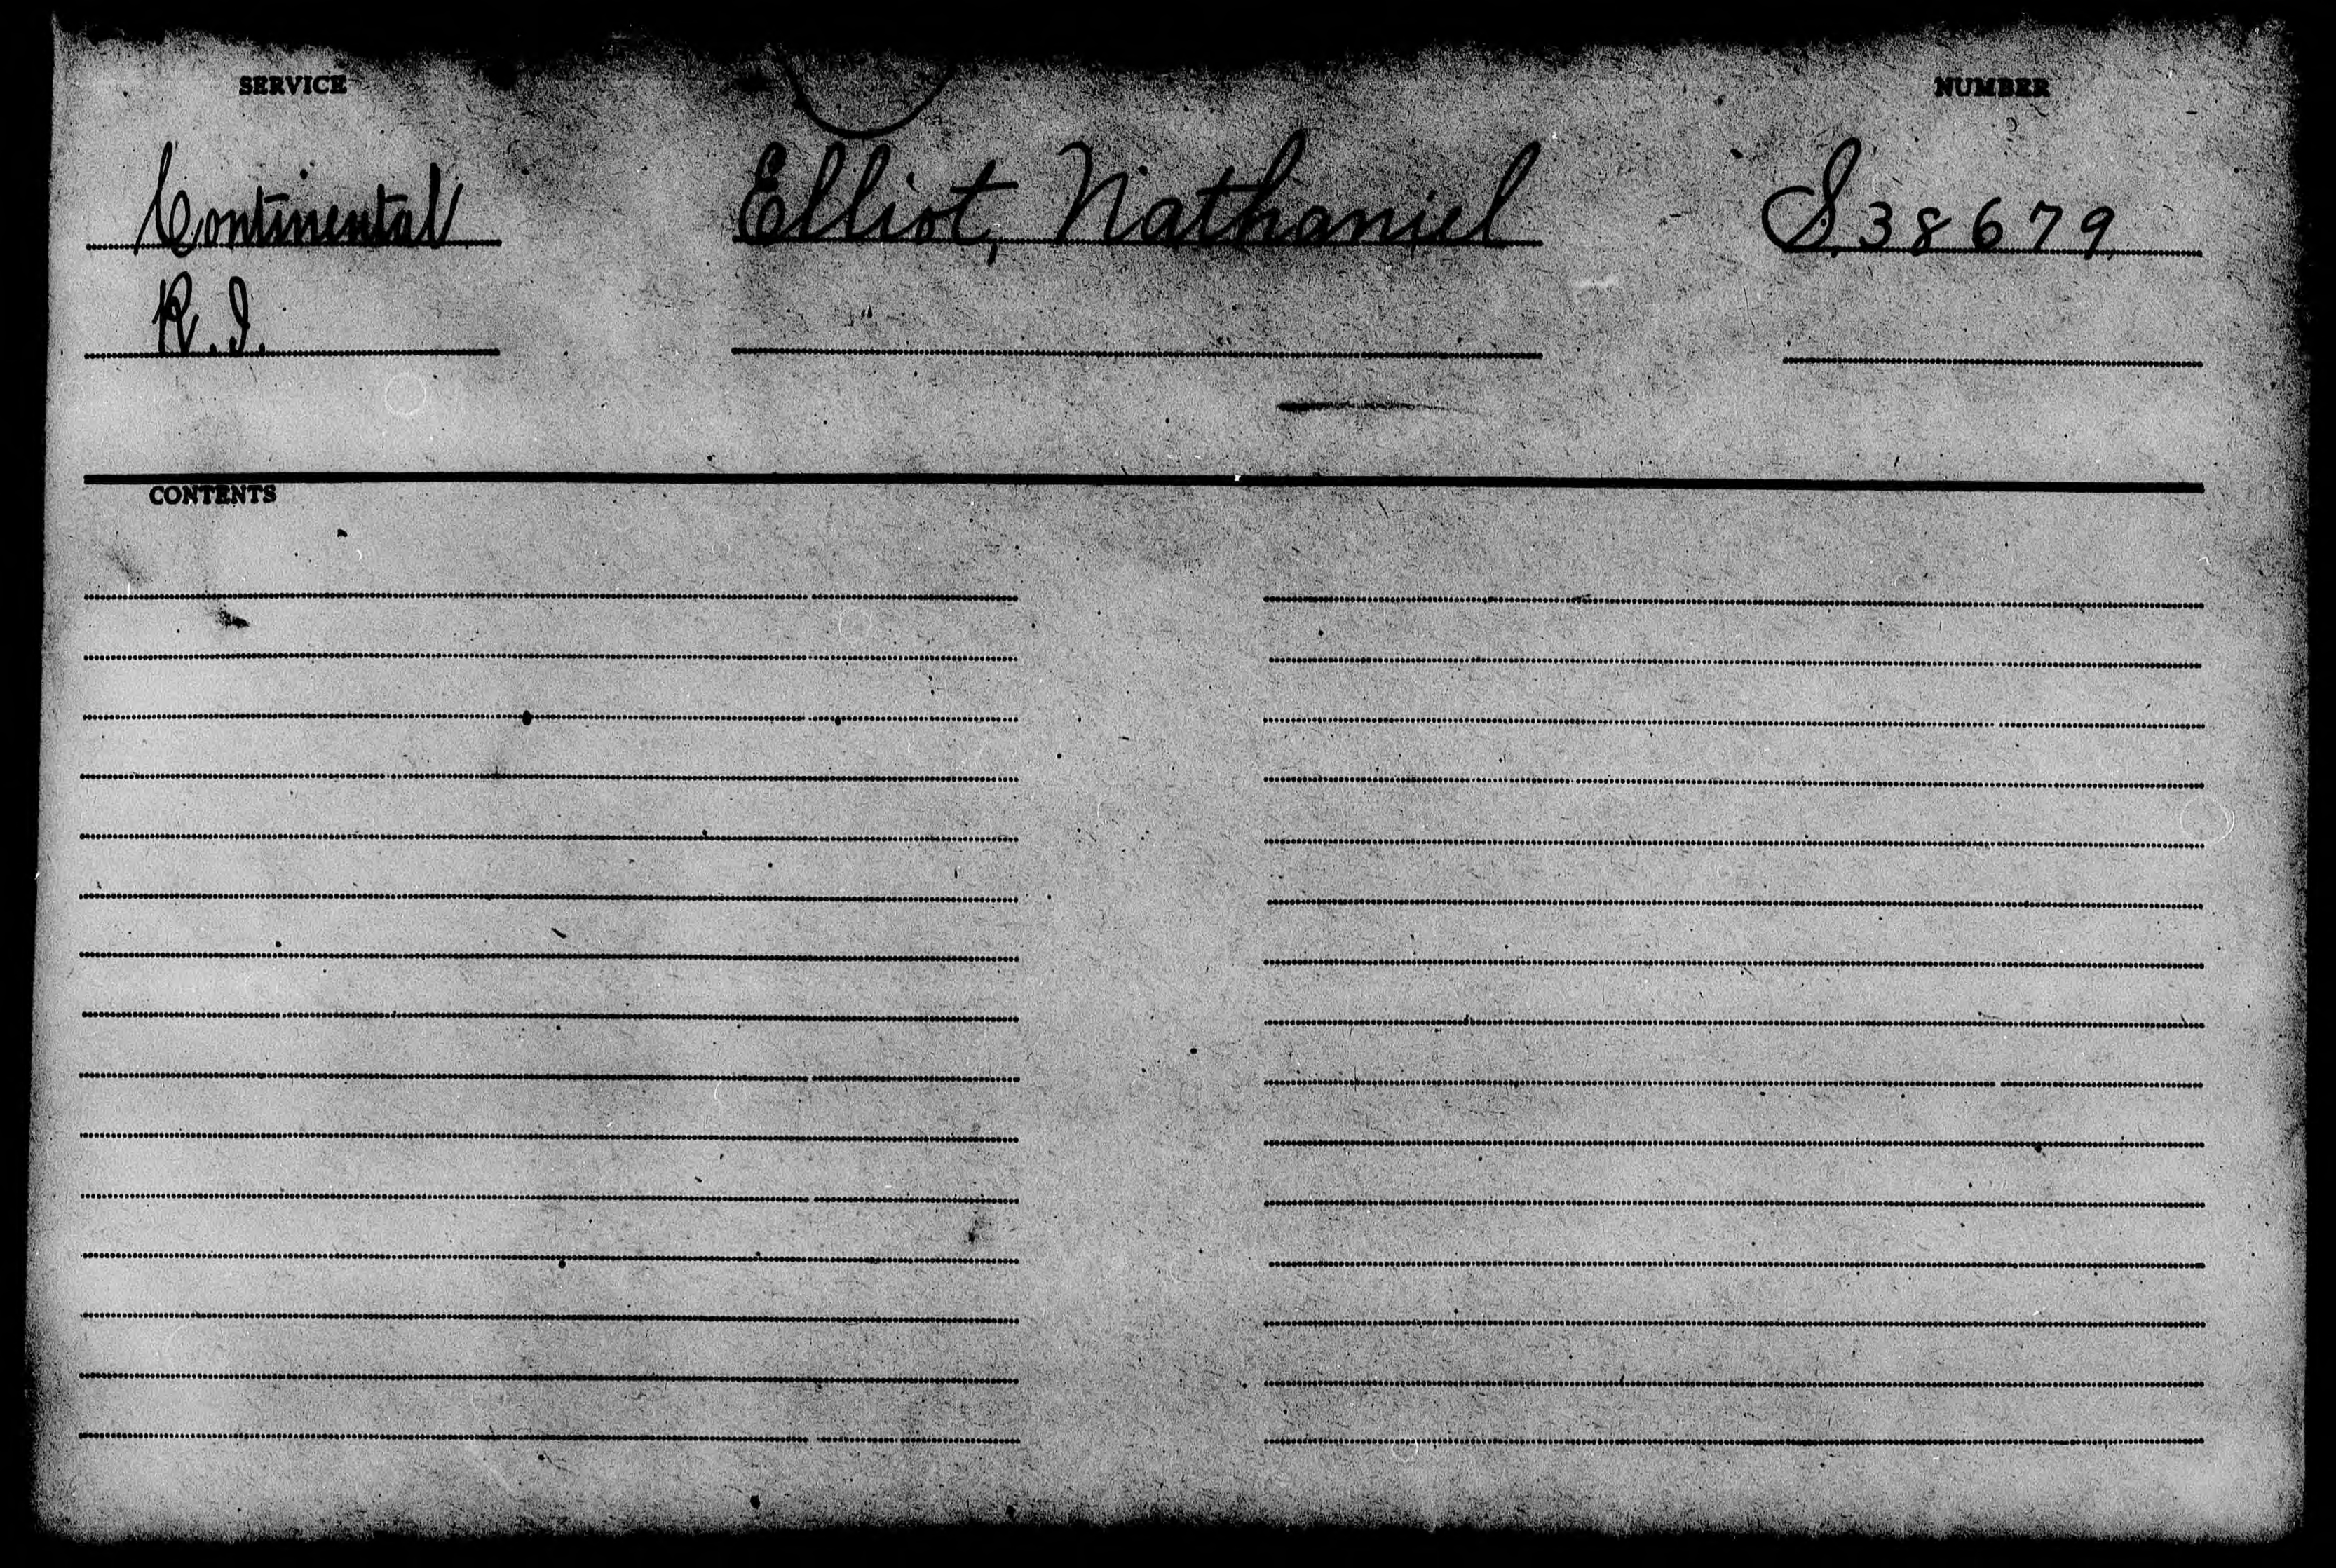SERVICE
Continental
R. I.
Elliot, Nathaniel
NUMBER
S 38679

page: 1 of 29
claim: survivor's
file: S. 38679, Nathaniel Elliot, Continental R.I.